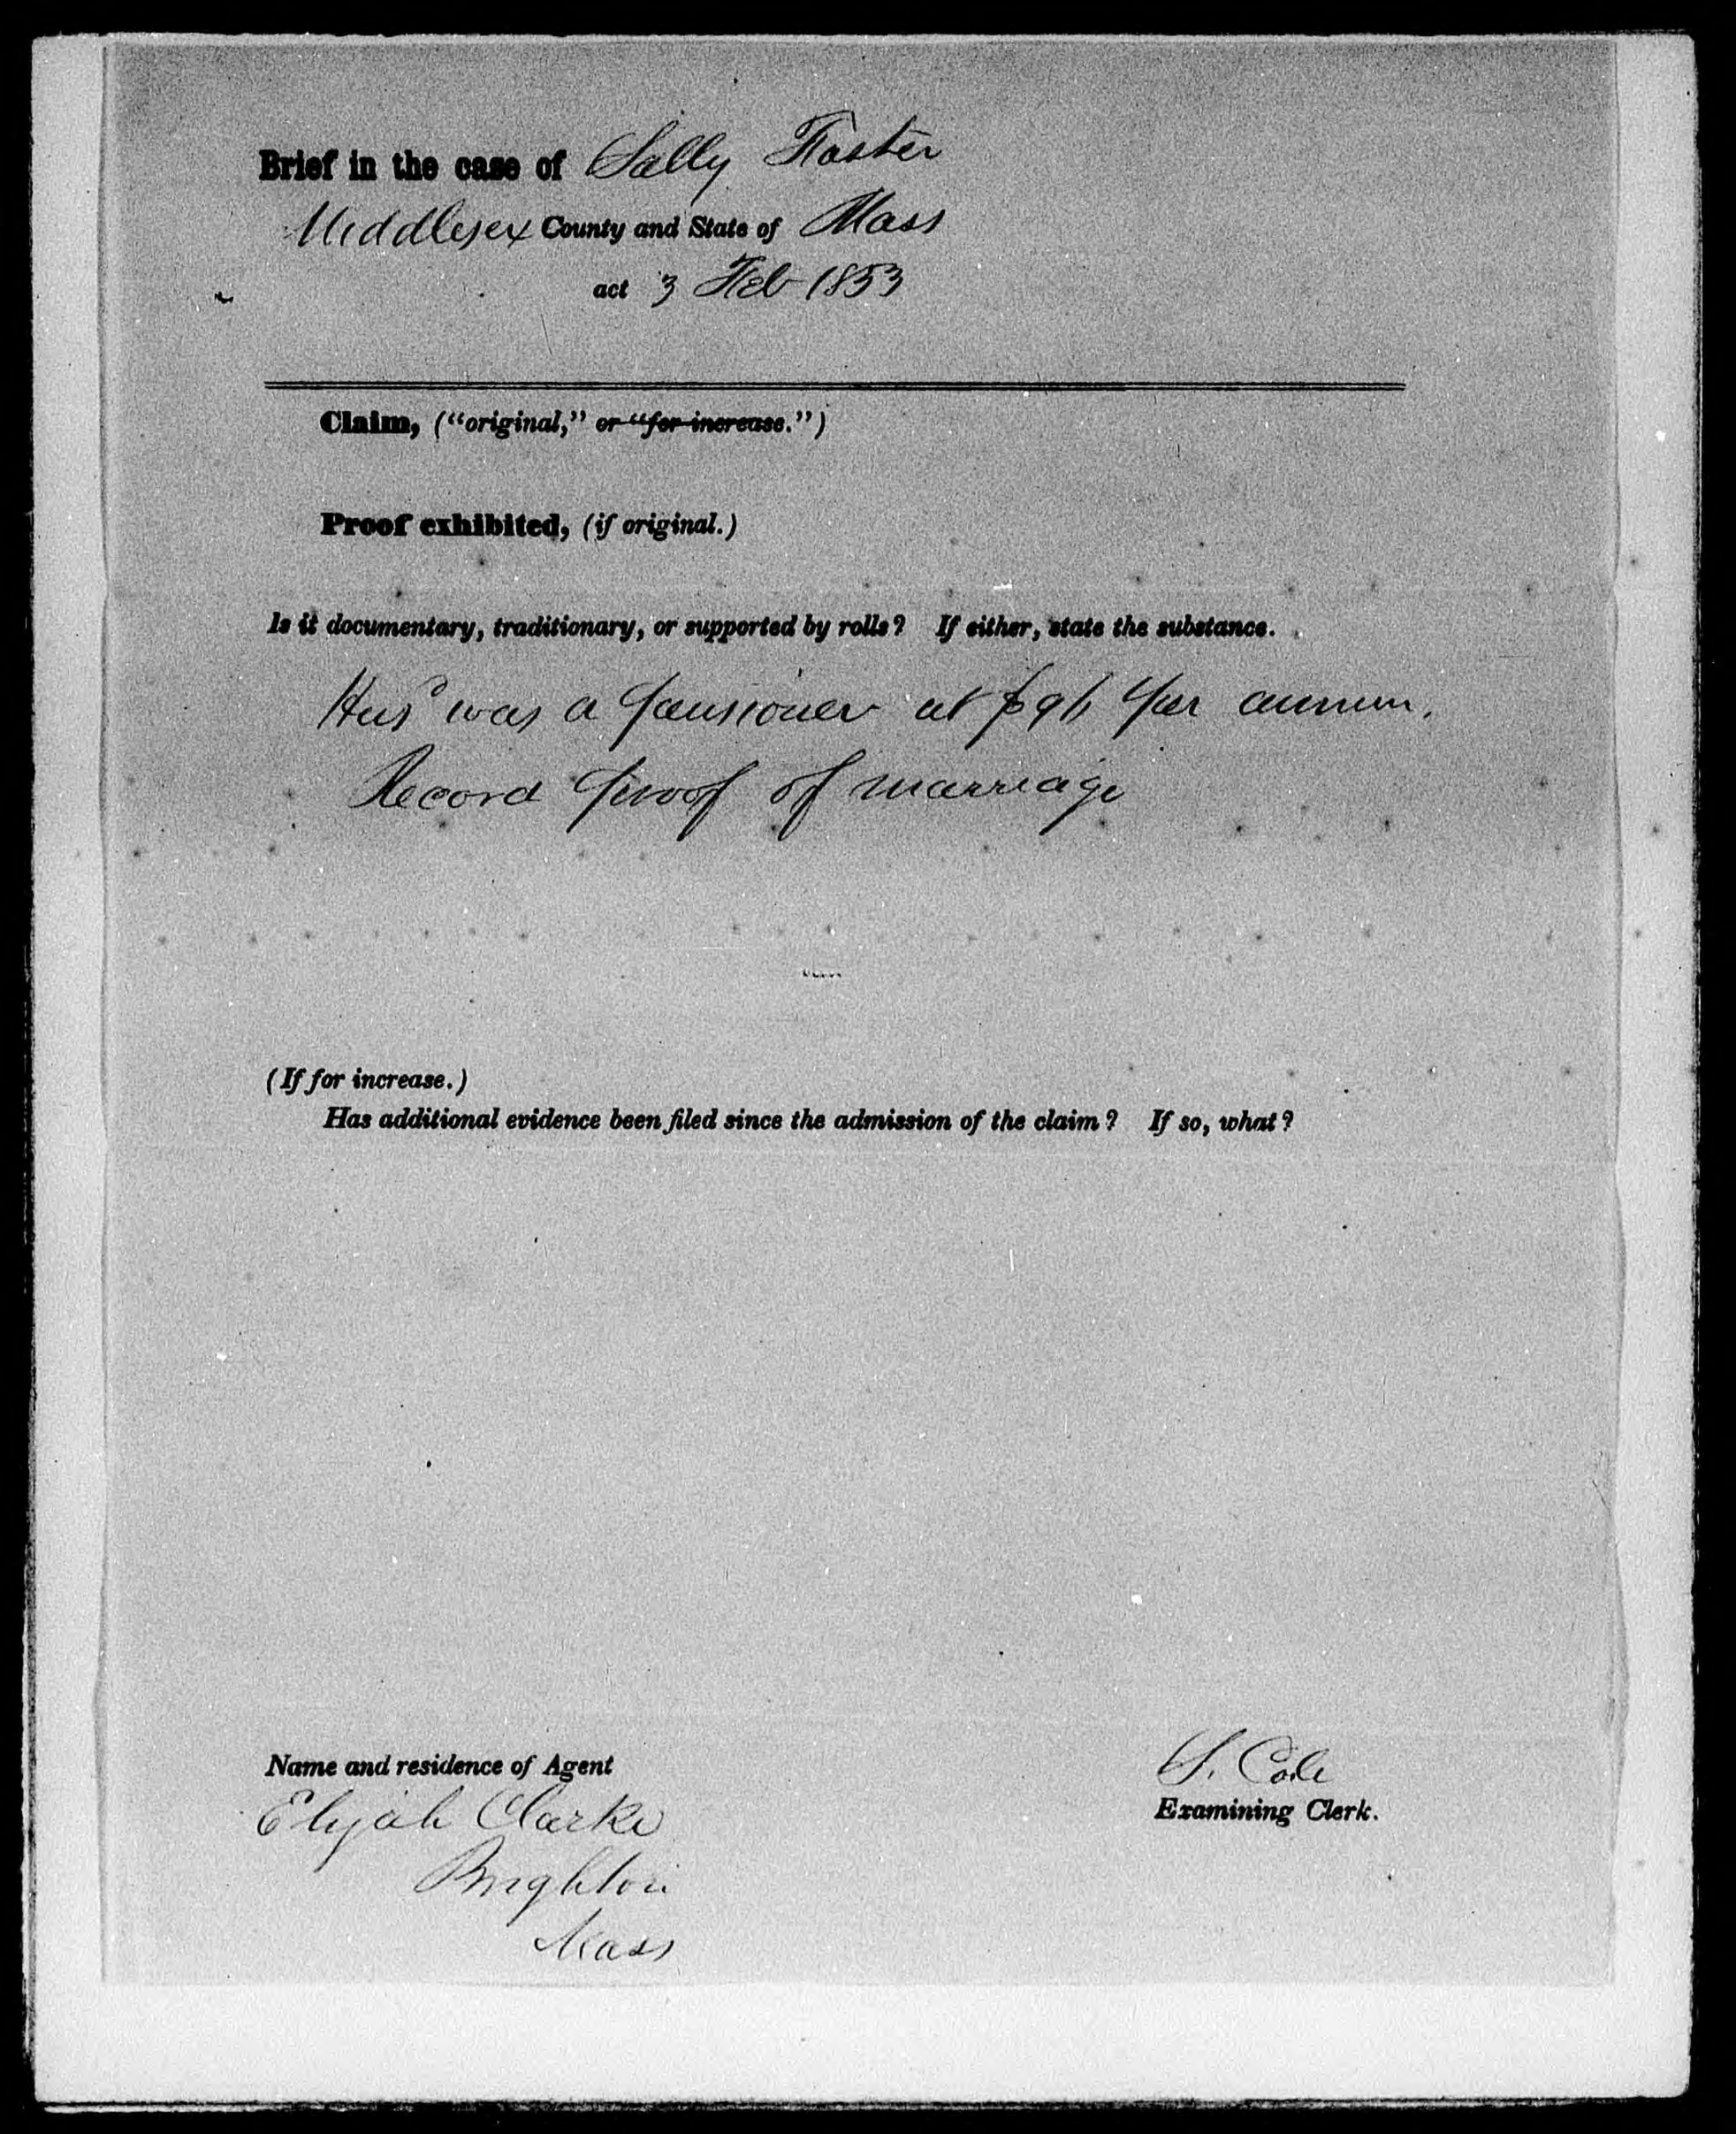Brief in the case of Sally Foster
Middlesex County and State of Massachusetts
Act 3 Feb 1853
Claim:
Proof exhibited
Is it documentary, traditionary, or supported by rolls? If either, state the substance:
Husband was a pensioner at $96 per annum
Record proof of marriage
Name and residence of Agent
Elijah Clarke, Brighton, Massachusetts
S. Cole, Examining Clerk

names: Sally Foster, S Cole, Elijah Clarke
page: 35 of 47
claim: widow's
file: W. 7,302, John Foster, Continental Mass. R.I.